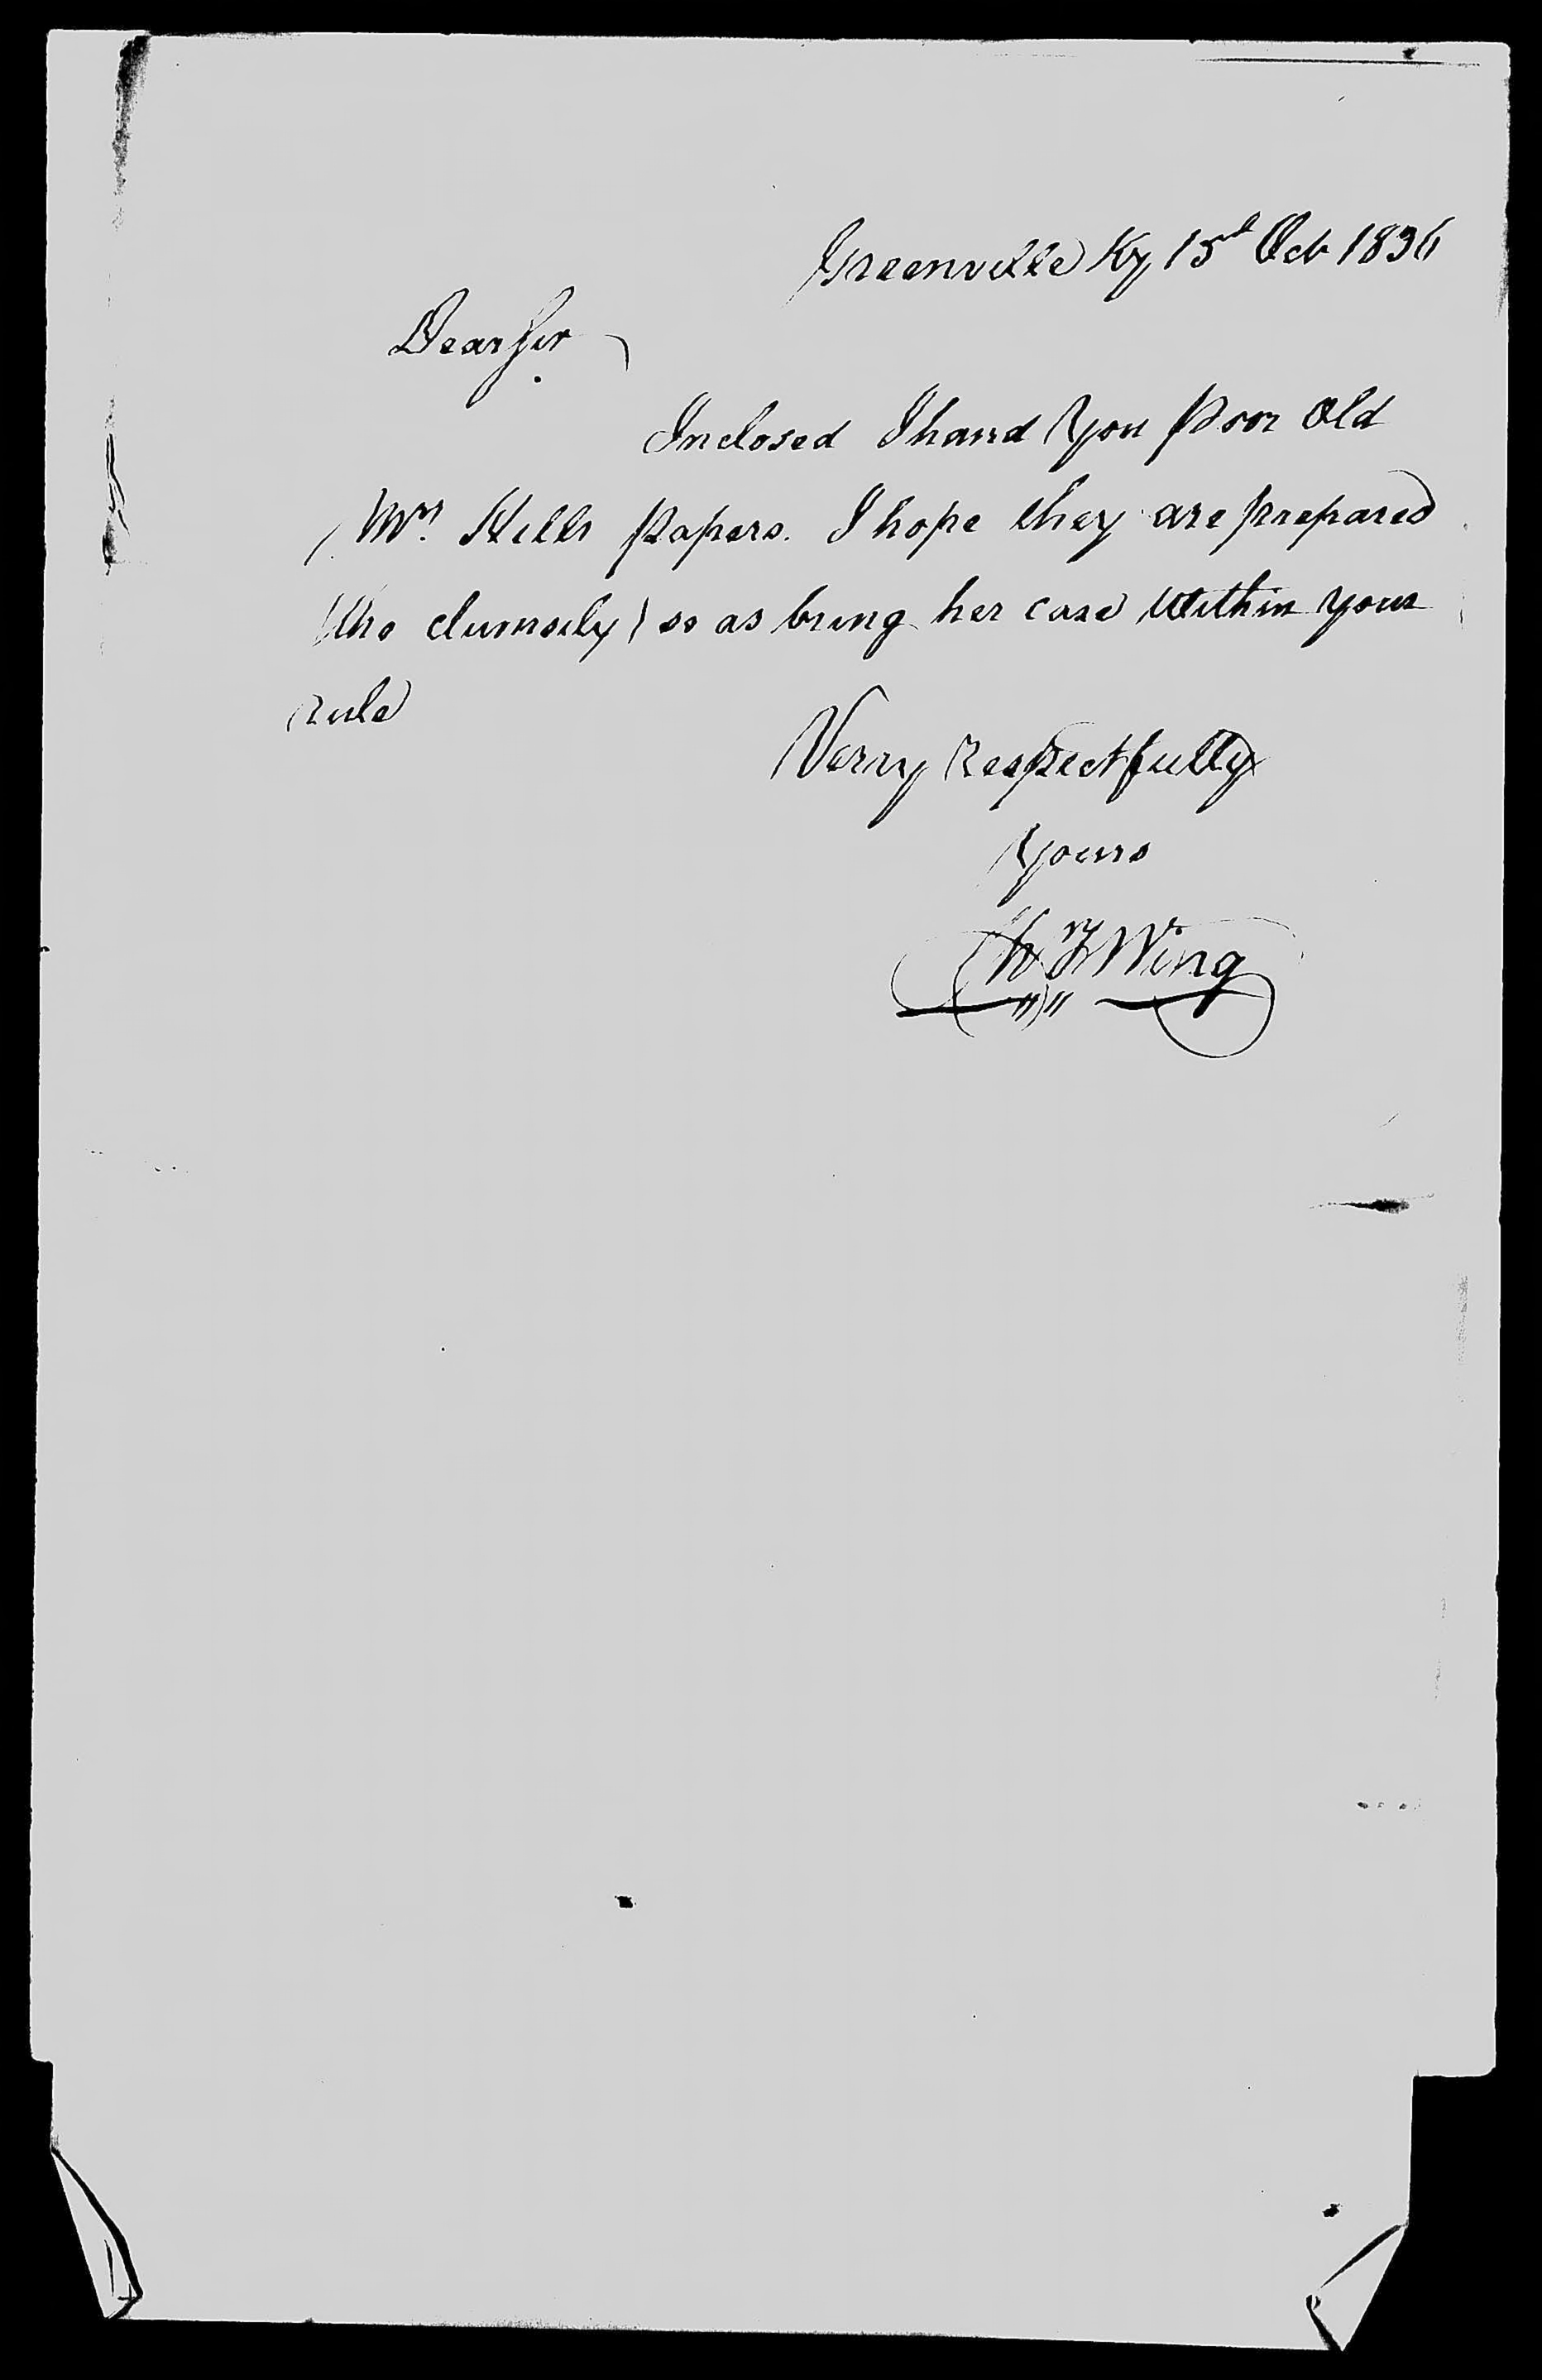Greenville Ky [Kentucky] 15th Oct 1836

Dear Sir,

Inclosed [Enclosed] I hand you poor old Mrs. Hills papers, I hope they are prepared tho [though] clumsily) so as being her case within your Rule 

Verry Respectfully 
Yours,
Ch F Wing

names: Ch F Wing, Hill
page: 27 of 27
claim: rejected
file: R. 5006, Richard Hill, N.C.